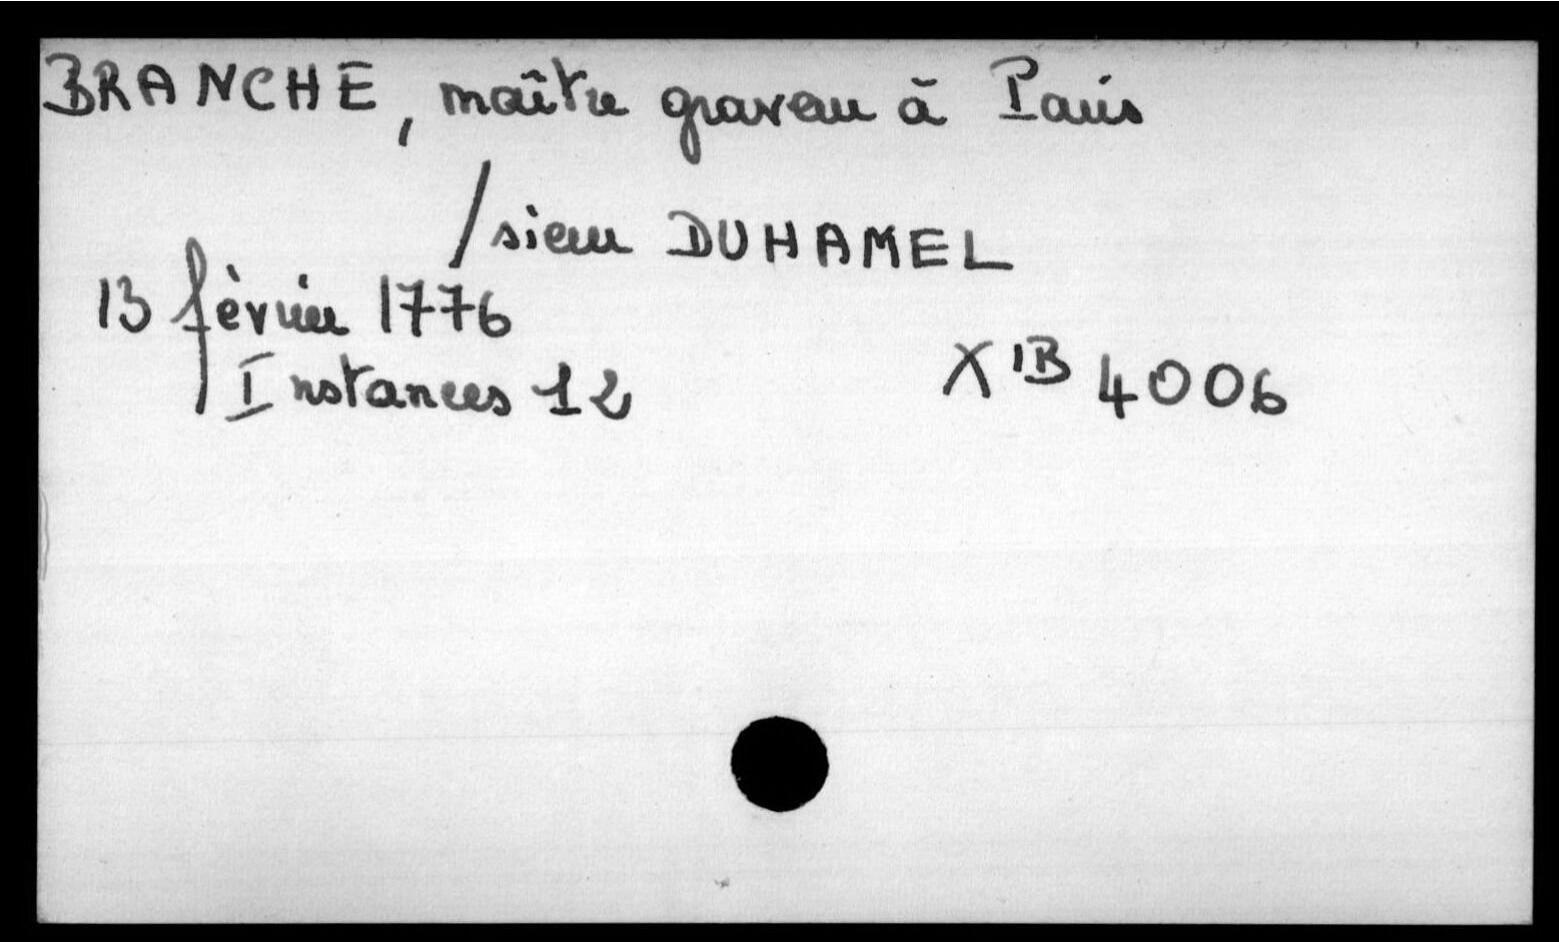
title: BRANCHE, maître graveur à Paris
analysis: Contre sieur DUHAMEL
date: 13 février 1776
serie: X1B
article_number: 4006
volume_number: Instances, 12
